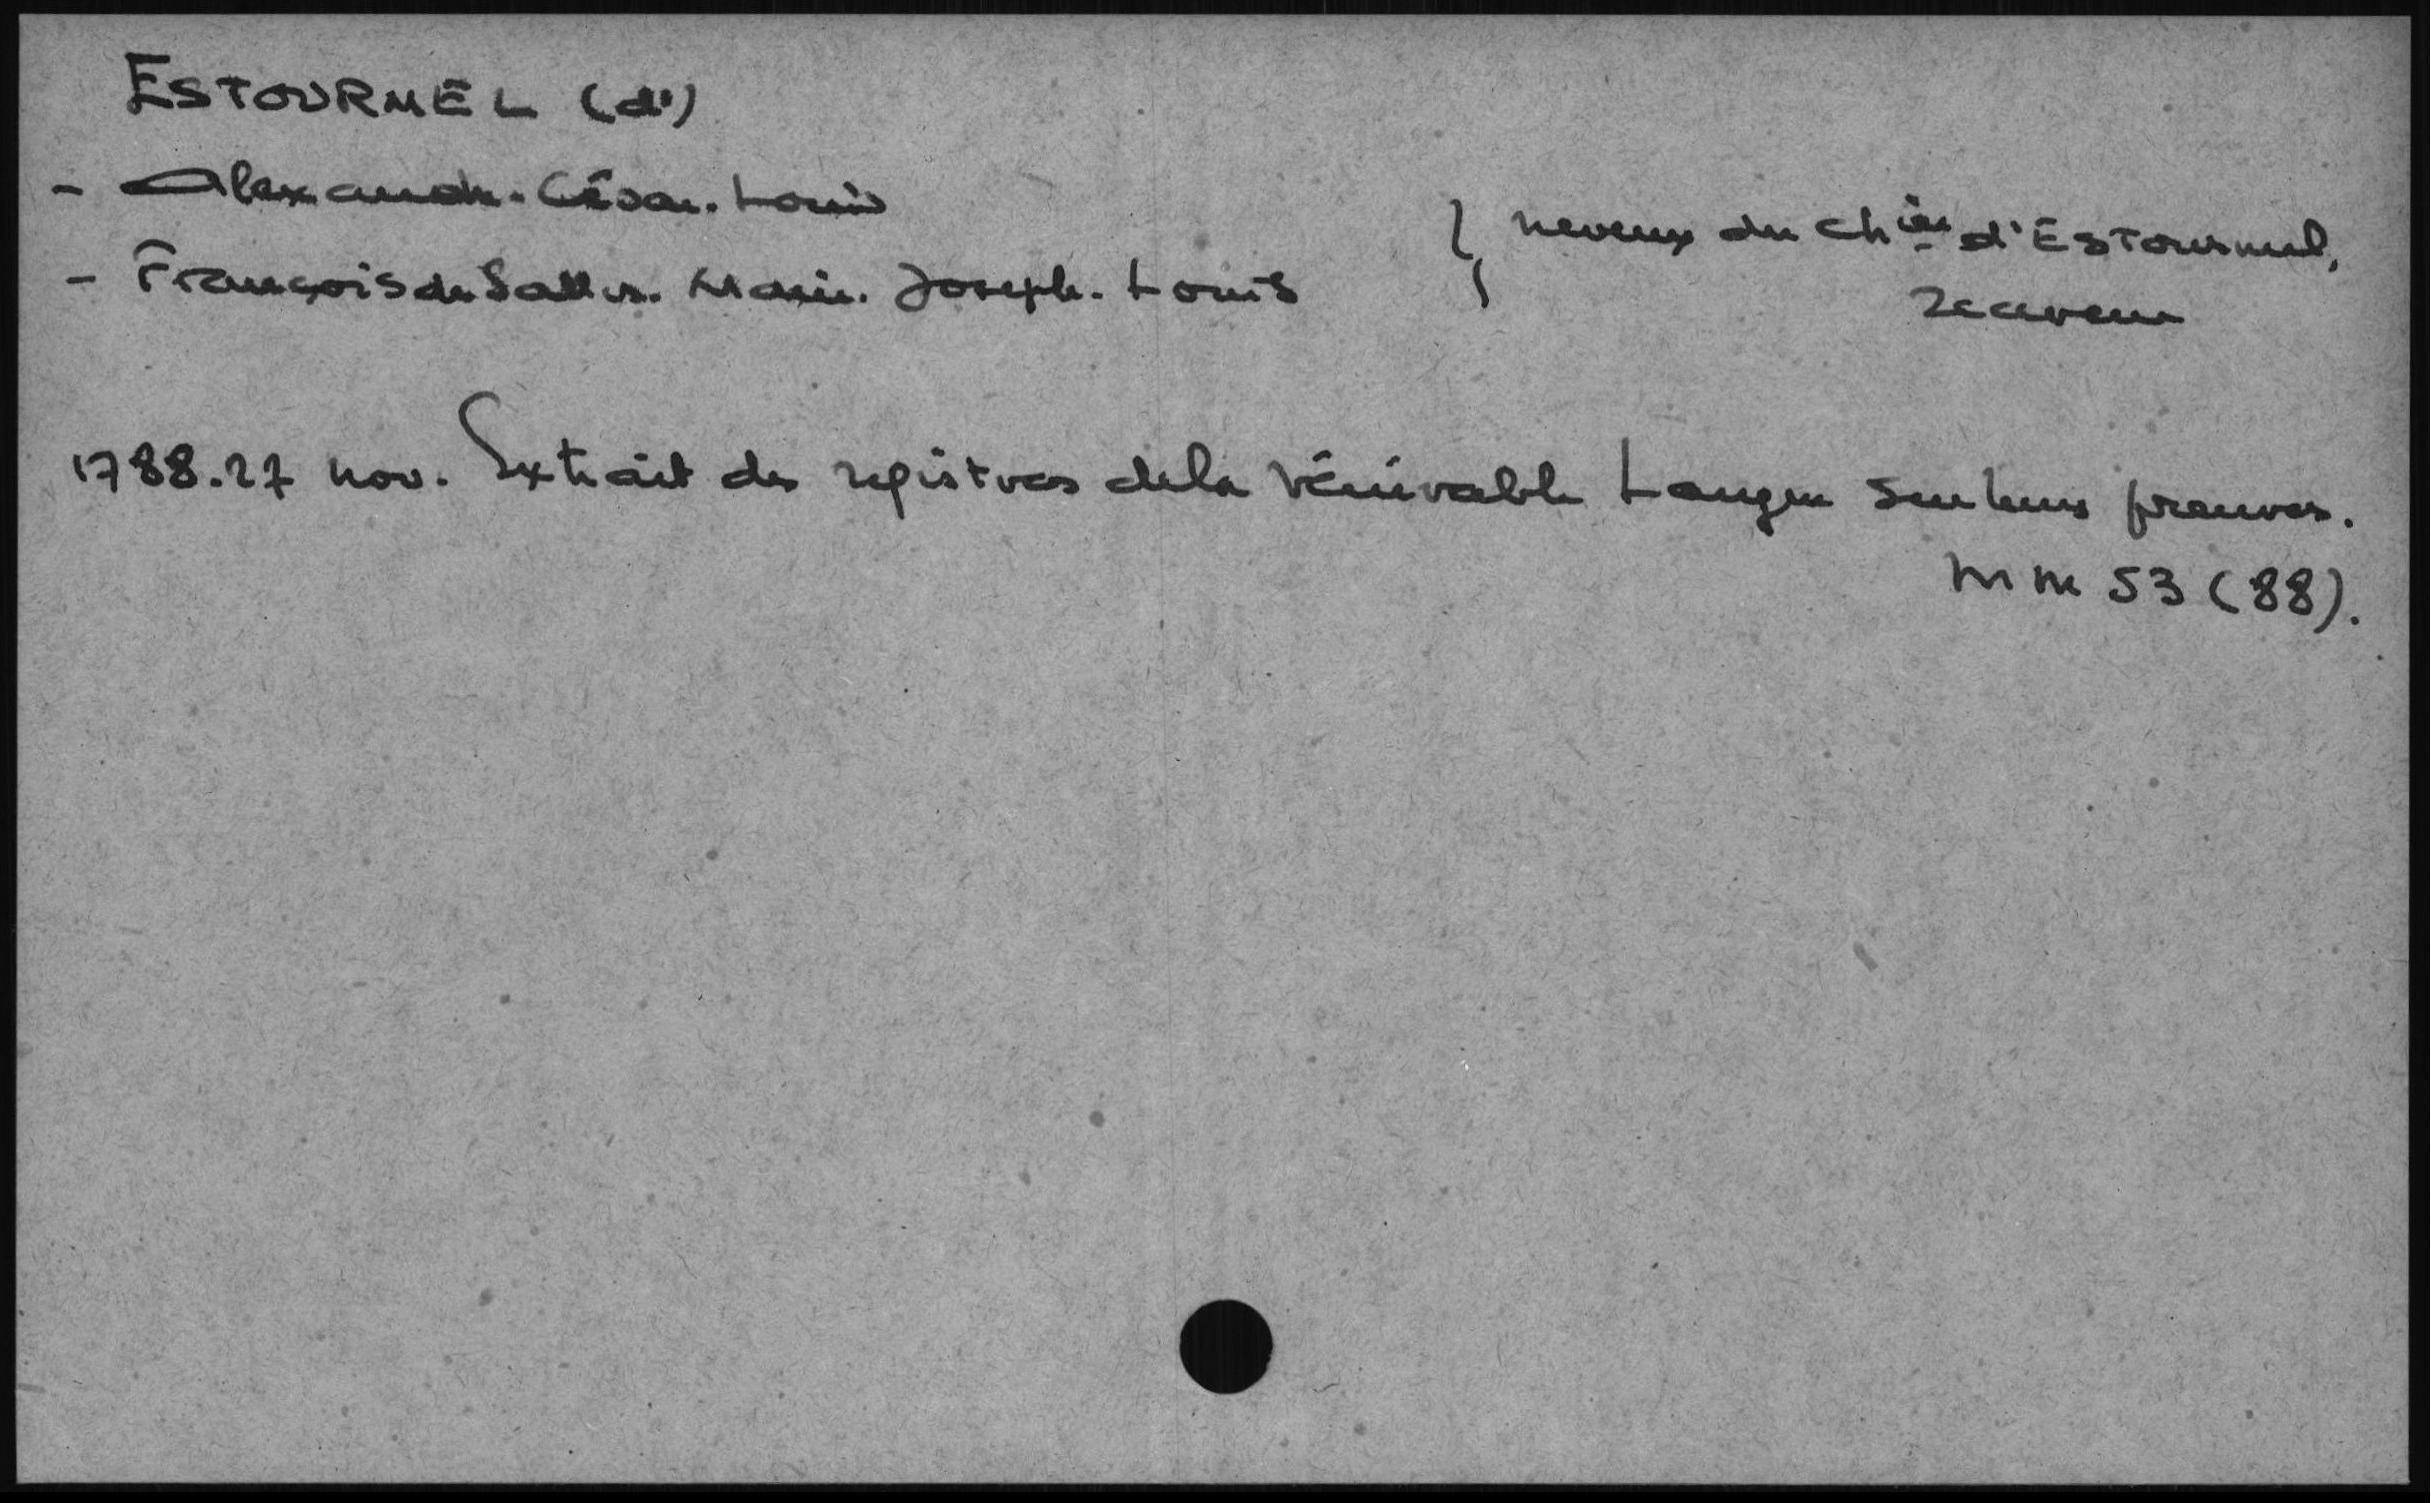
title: ESTOURMEL (d') - Alexandre-César-Louis - François de Salles-Marie-Joseph-Louis - Neveux du chevlaier d'Estourmel receveur
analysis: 1788, 27 novembre Extrait des registres de la vénérable Langue sur leurs preuves. MM 53 (88).
